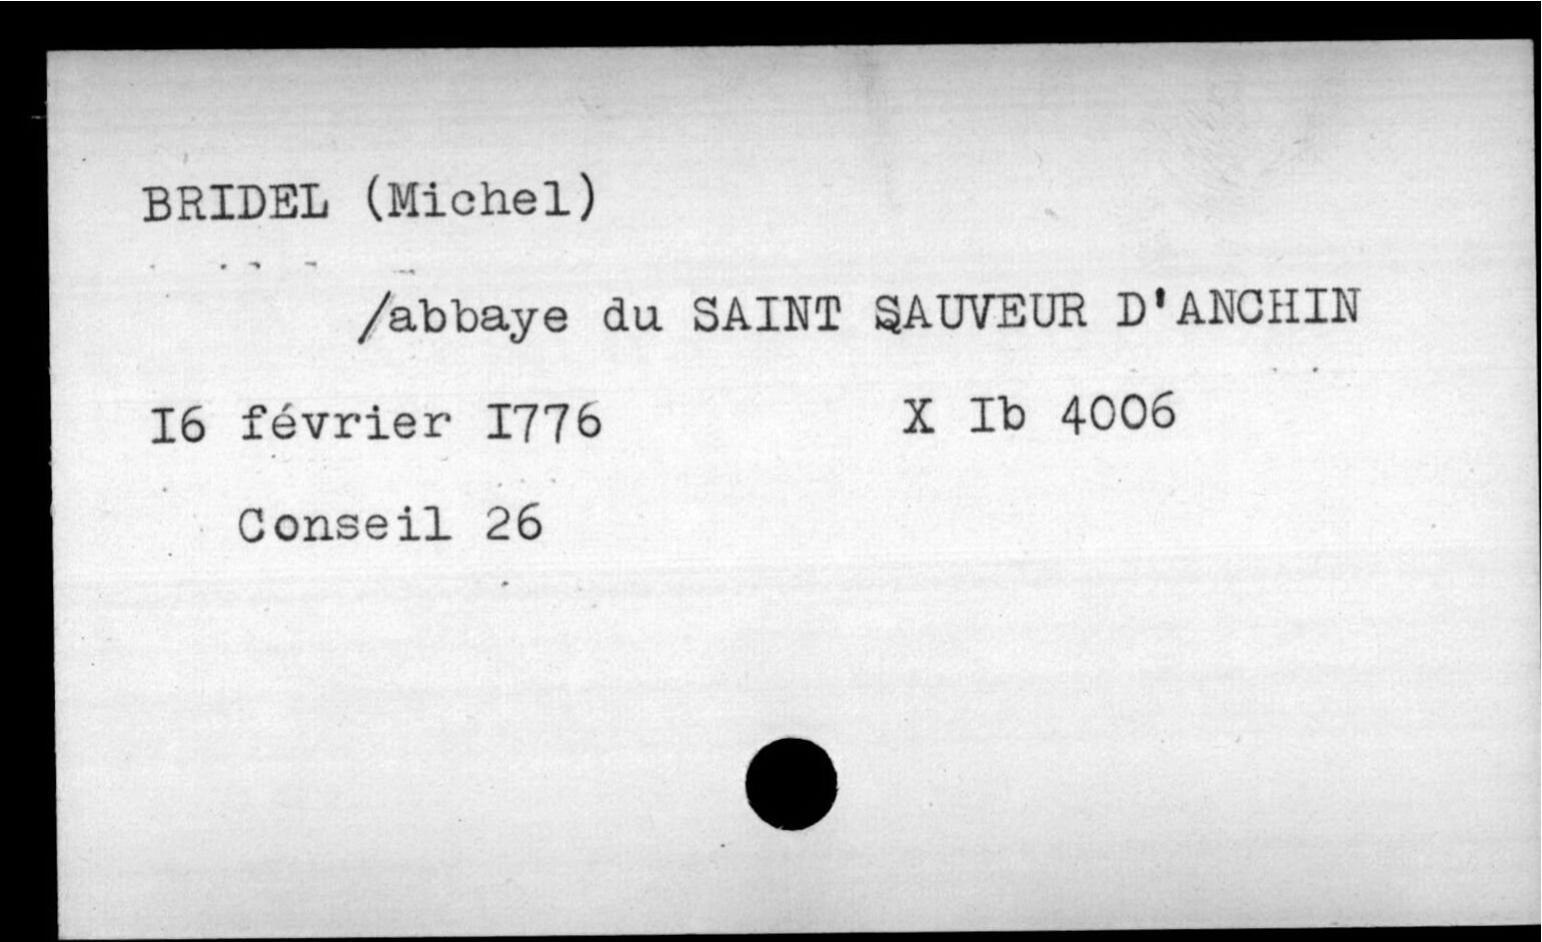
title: BRIDEL (Michel)
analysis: Contre abbaye du SAINT SAUVEUR D'ANCHIN
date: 16 février 1776
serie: X1b
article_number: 4006
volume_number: Conseil 26
